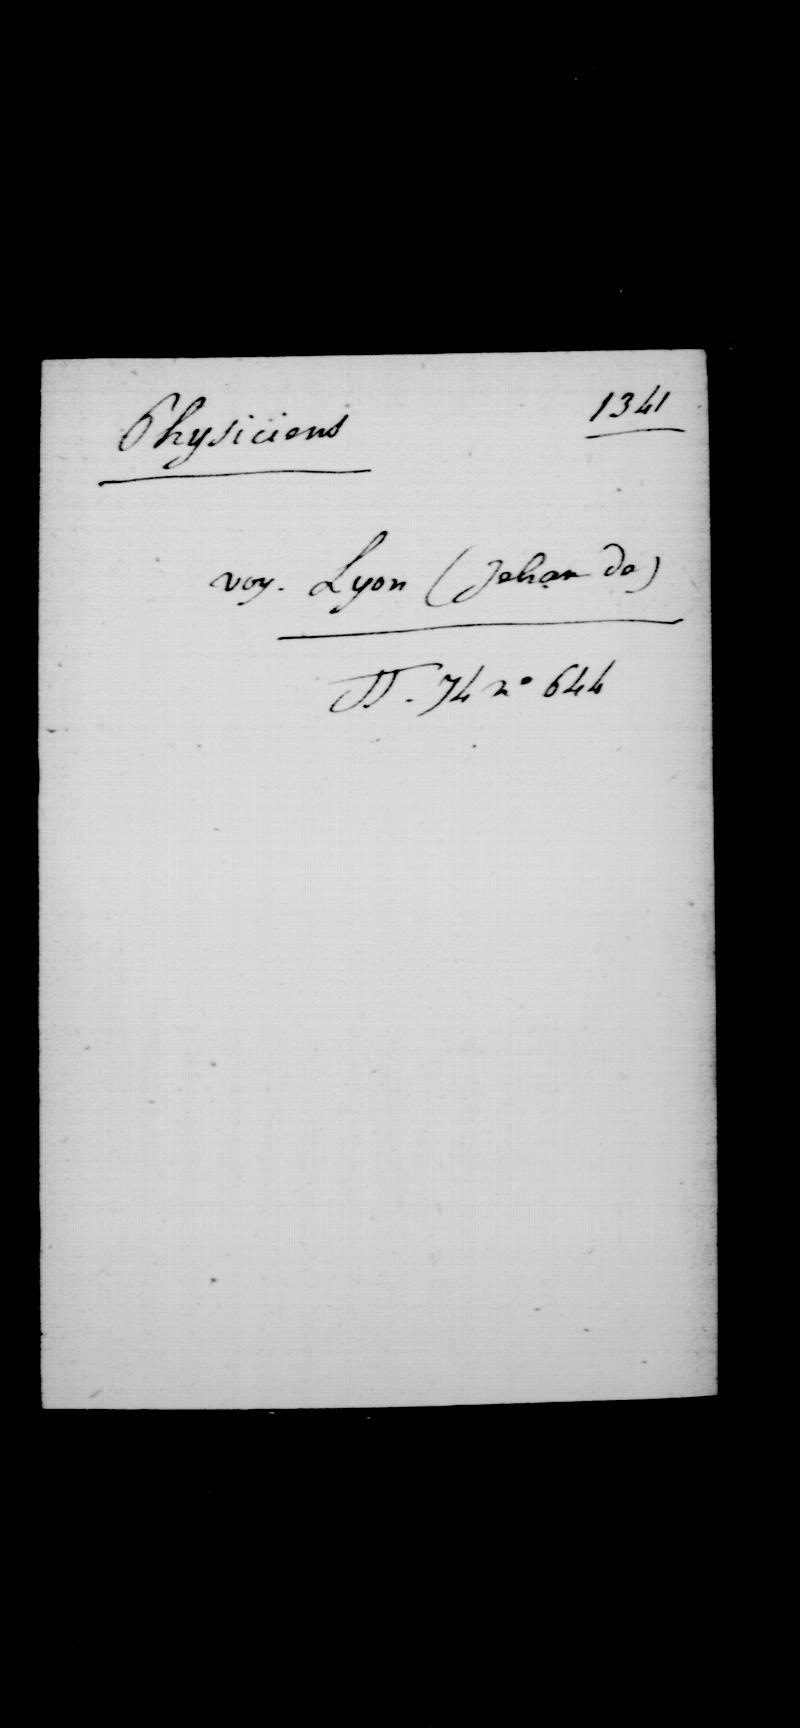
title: Physiciens
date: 1341
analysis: Voir Lyon (Jehan de)
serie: JJ
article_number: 74
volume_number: n° 644
